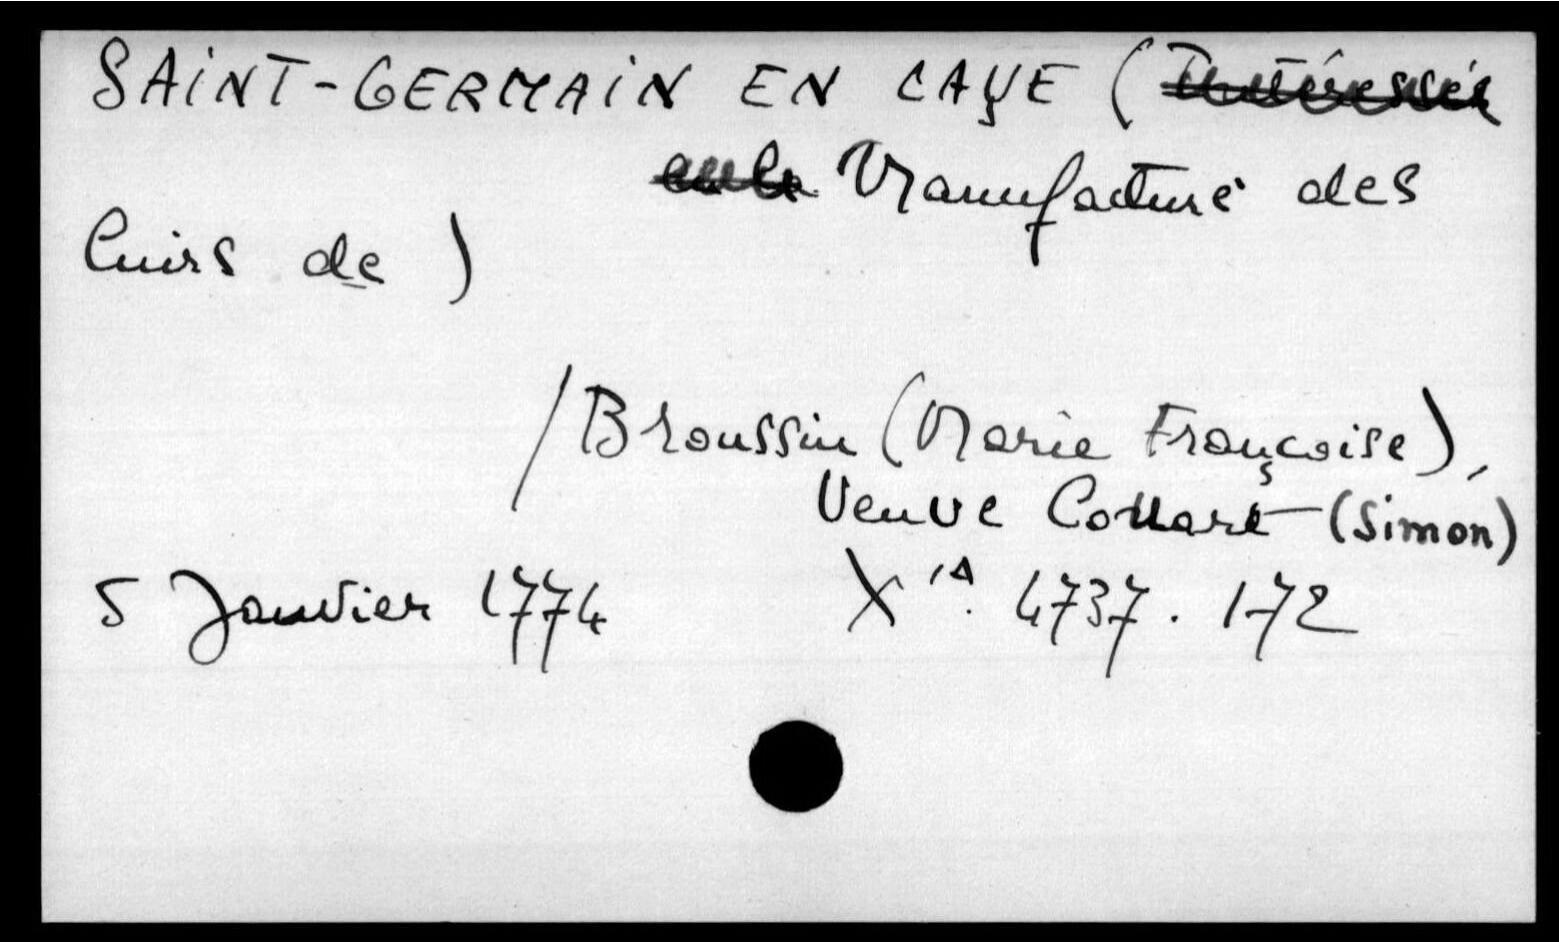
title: SAINT-GERMAIN EN LAYE (Manufacture des Cuirs de)
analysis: Contre Broussin (Marie Françoise), Veuve Collarl (Simon)
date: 5 janvier 1774
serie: X1A
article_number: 4737
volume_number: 172
